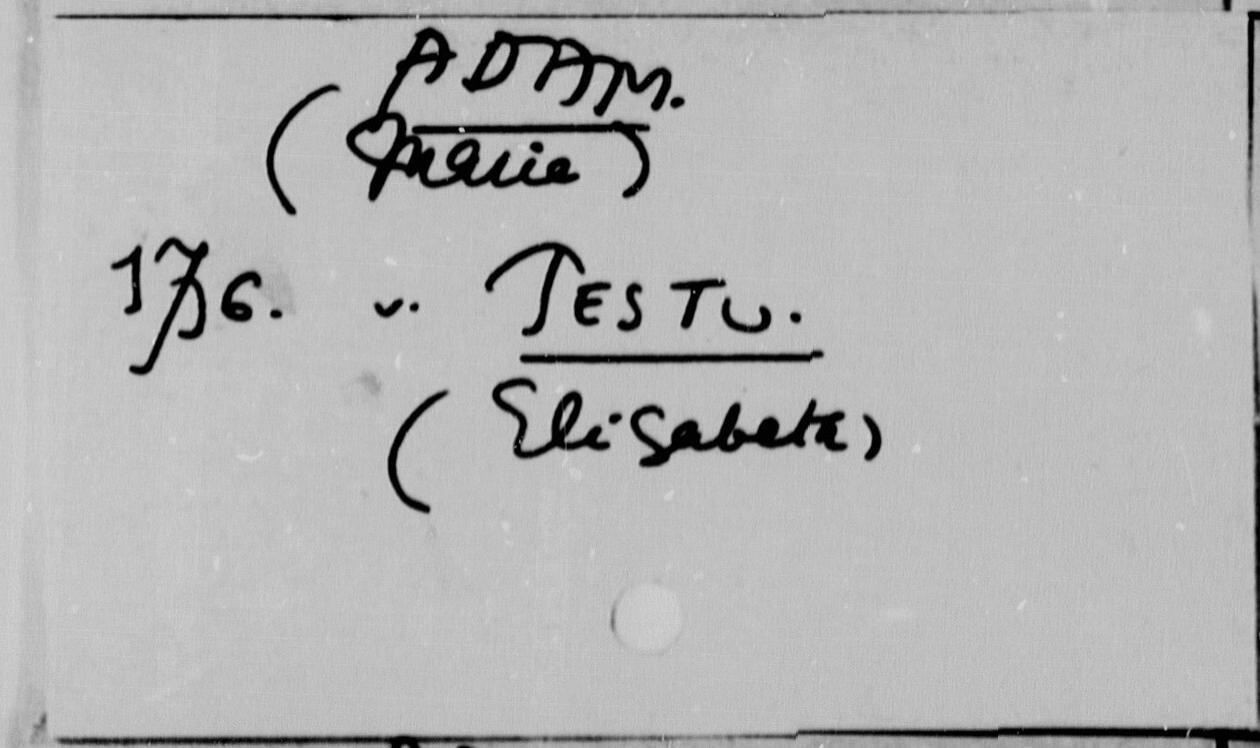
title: ADAM (Marie)
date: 1716
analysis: Voir TESTU (Élisabeth)
